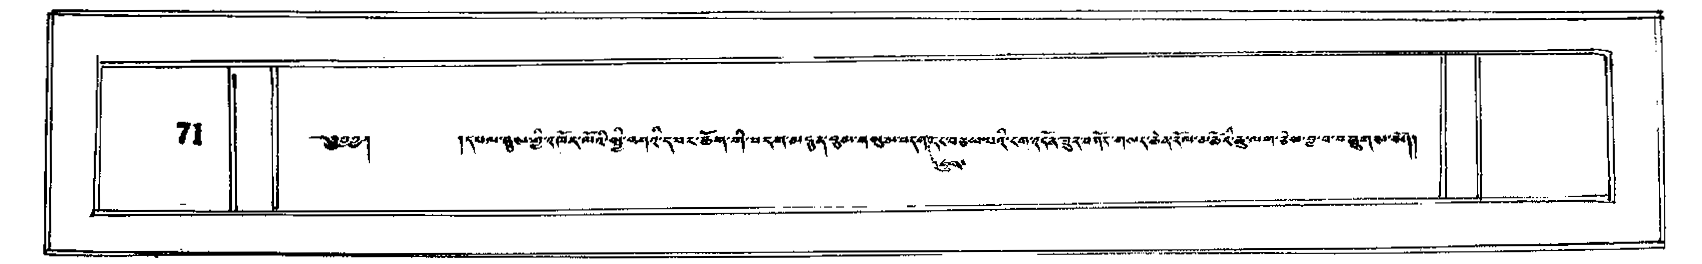༄༅༅། །དཔལ་དུས་ཀྱི་འཁོར་ལོའི་སྤྱི་བཀའི་དབང་ཆོག་གི་བདག་མདུན་བུམ་གསུམ་བདག་འཇུག་དང་བཅལ་པའི་ངག་འདོན་ཟུར་བཀོད་གསང་ཆེན་རོལ་མཚོའི་ཆུ་ལག་ཅེས་བྱ་བ་བཞུགས་སོ།།